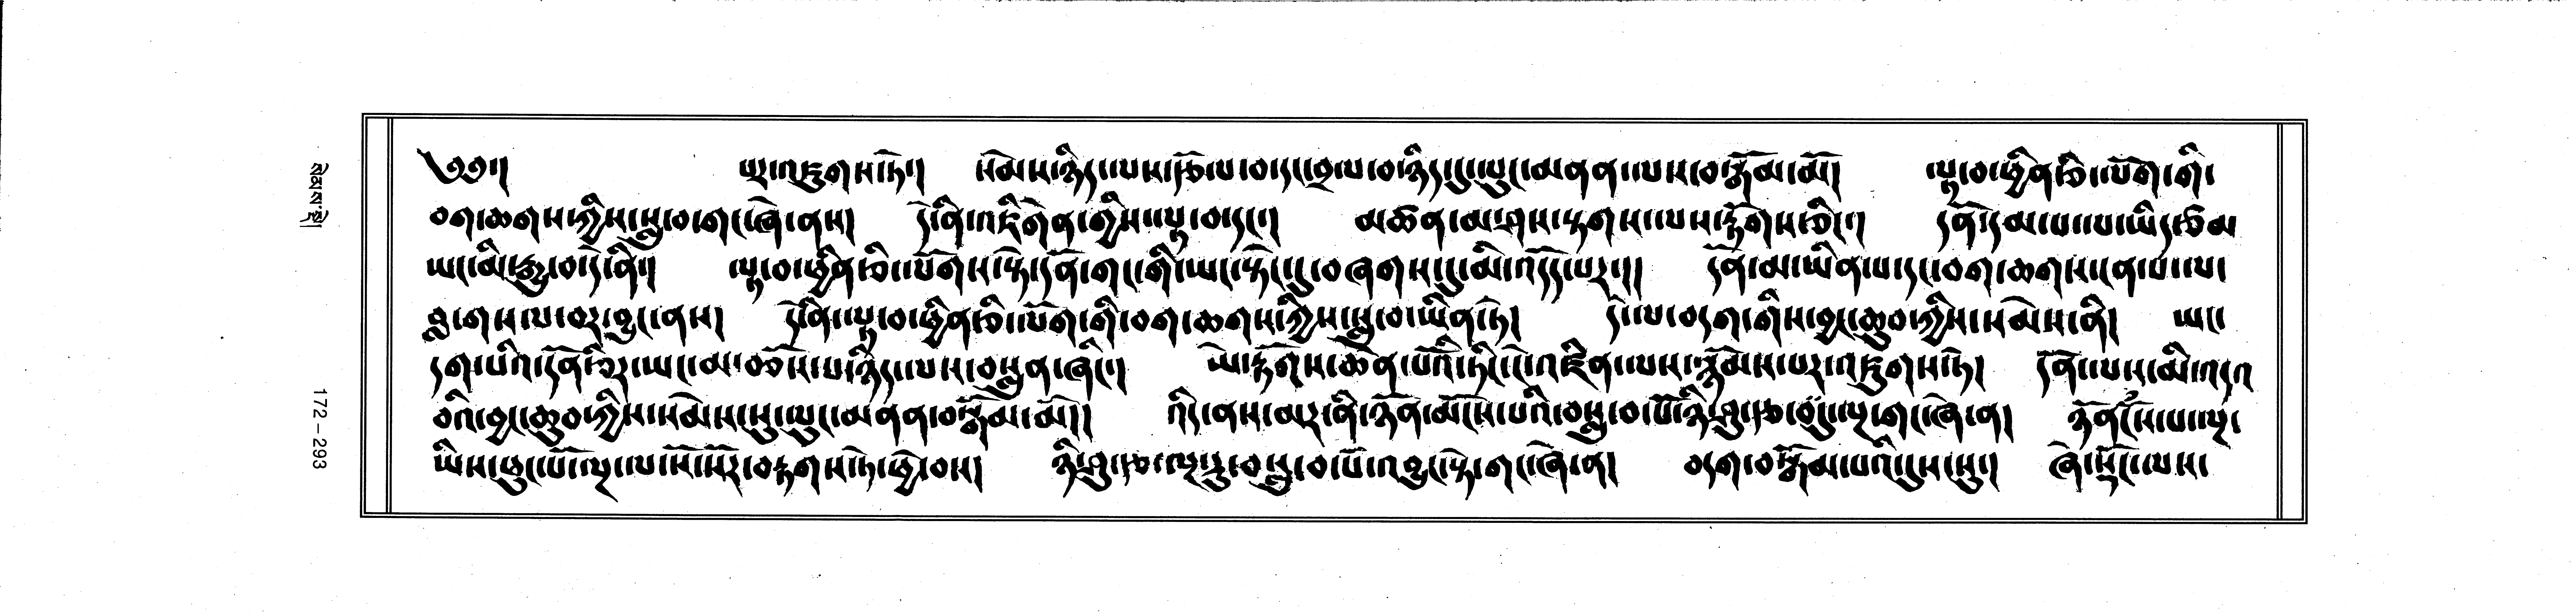པར་འཇུགས་ཏེ། སེམས་ཉིད་ལས་རྩོལ་བ་དང་བྲལ་བ་ཉིད་དུ་ལུང་མནན་ལས་བསྒོམ་མོ། ལྟ་བ་ཕྱིན་ཅི་ལོག་གི་
བག་ཆགས་ཀྱིས་སླུ་བ་གང་ཞེ་ནས། དེ་ནི་འཇིག་རྟེན་གྱིས་ལྟ་བ་དང་། མཚན་མ་ཤས་ལྟགས་ལས་རྟོགས་ཅིང་། དོན་དམ་པ་ལ་ཡིད་ཙམ་
ཡང་མི་རྒྱུ་བ་དེ་ནི། ལྟ་བ་ཕྱིན་ཅི་ལོག་སྟེ་དོན་གང་གི་ཡང་སྟེང་དུ་བཞགས་དུ་མི་འདོད་པར། དོན་མ་ཡིན་པ་དང་བག་ཆགས་ངན་པ་ལ་
བློ་གསལ་བར་བྱུང་ནས། དེ་ནི་ལྟ་བ་ཕྱིན་ཅི་ལོག་གི་བག་ཆགས་ཀྱིས་སླུ་བ་ཡིན་ཏེ། དེ་ལ་བདག་གིས་བྱང་ཆུབ་ཀྱིས་སེམས་ནི། ཡང་
དག་པའི་དོན་ཅིར་ཡང་མ་བཅོས་པ་ཉིད་ལས་བསླུན་ཞིང་། ཡེ་རྟོགས་ཆེན་པོའི་ཏིང་ངེ་འཛིན་ལས་སྙོམས་པར་འཇུགས་ཏེ། དོན་ལས་མི་འདའ་
བའི་བྱང་ཆུབ་ཀྱིས་སེམས་སུ་ལུང་མནན་བསྒོམ་མོ། འདི་ནས་མར་ནི་ཉོན་མོངས་པའི་བསླུ་བ་པོ་ཉི་ཤུ་རྩ་ལྔ་གང་ཞེ་ན། ཉོན་མོངས་པ་ལྔ་
ཡིས་ཕུང་པོ་ལྔ་ལ་སོ་སོར་བརྟགས་ཏེ་ཕྱེ་བས། ཉི་ཤུ་རྩ་ལྔ་རུ་བསླུ་བ་པོ་འབྱུང་སྟེ་གང་ཞེ་ན། བདག་བསྒོམ་པའི་དུས་སུ། ཞེ་སྡང་ལས་